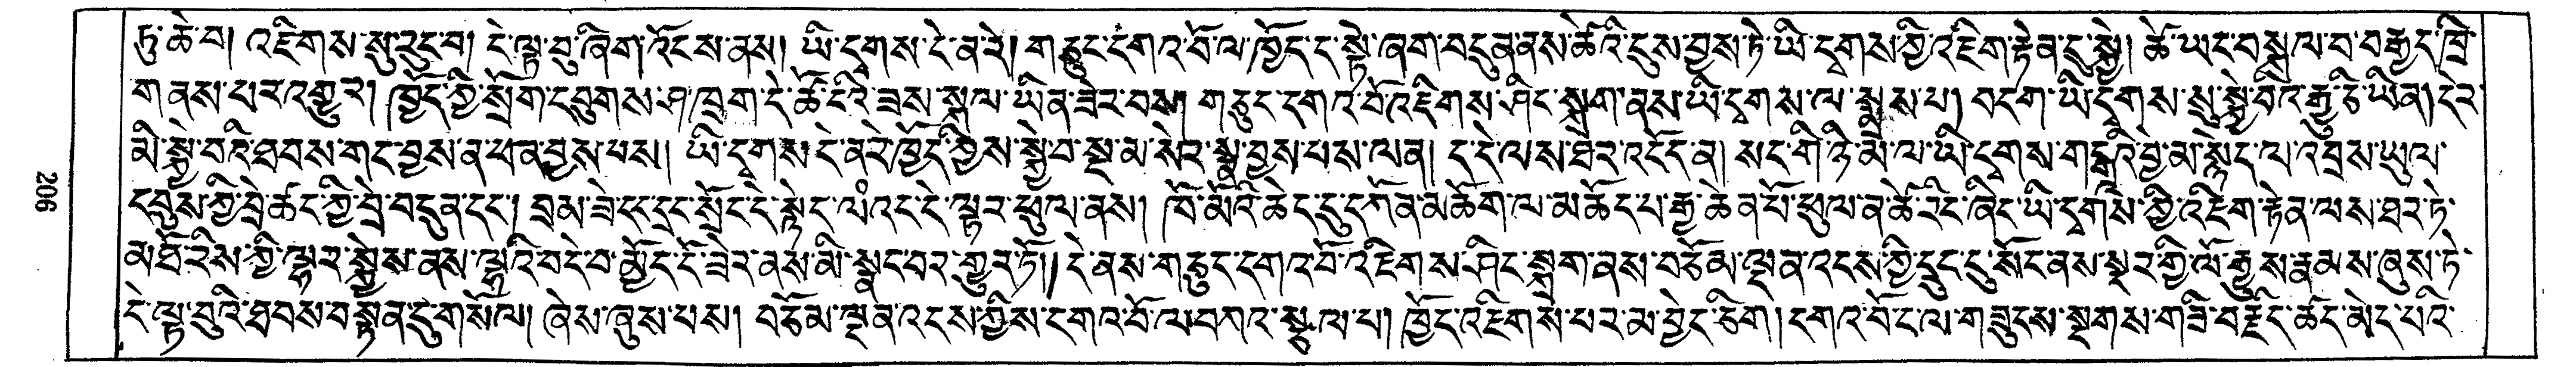ཏུ་ཆེ་བ། འཇིགས་སུ་རུང་བ། དེ་ལྟ་བུ་ཞིག་འོངས་ནས། ཡི་དྭགས་ངེ་ན་རེ། གཅུང་དགའ་བོ་ལ་ཁྱོད་ད་སྟེ་ཞག་བདུན་ནས་ཚེའི་དུས་བྱས་ཏེ་ཡི་དྭགས་ཀྱི་འཇིག་རྟེན་དུ་སྐྱེ། ཚེ་ཡང་བསྐལ་བ་བརྒྱད་ཁྲི་
གནས་པར་འགྱུར། ཁྱོད་ཀྱི་སྲོག་དབུགས་ཤ་ཁྲག་དེ་ཚོ་ངའི་ཟས་སྐལ་ཡིན་ཟེར་བས། གཅུང་དགའ་བོ་འཇིགས་ཤིང་སྐྲག་ནས་ཡི་དྭགས་ལ་སྨྲས་པ། བདག་ཡི་དྭགས་སུ་སྐྱེ་བའི་རྒྱུ་ཅི་ཡིན། དེར་
མི་སྐྱེ་བའི་ཐབས་གང་བྱས་ན་ཕན་བྱས་པས། ཡི་དྭགས་དེ་ན་རེ་ཁྱོད་ཀྱིས་སྐྱེ་བ་སྔ་མ་སེར་སྣ་བྱས་པས་ལན། ད་དེ་ལས་ཐར་འདོད་ན། སང་གི་ཉི་མ་ལ་ཡི་དྭགས་གངྒཱའི་བྱེ་མ་སྙེད་ལ་འབྲས་ཡུལ་
དབུས་ཀྱི་བྲེ་ཚད་ཀྱི་བྲེ་བདུན་དང་། བྲམ་ཟེ་དང་དྲང་སྲོང་དེ་སྙེད་ལའང་དེ་ལྟར་ཕུལ་ནས། ཁོ་མོའི་ཆེད་དུ་དཀོན་མཆོག་ལ་མཆོད་པ་རྒྱ་ཆེན་པོ་ཕུལ་ན་ཚེ་རིང་ཞིང་ཡི་དྭགས་ཀྱི་འཇིག་རྟེན་ལས་ཐར་ཏེ་
མཐོ་རིས་ཀྱི་ལྷར་སྐྱེས་ནས་ལྷའི་བདེ་བ་མྱོང་ངོ་ཟེར་ནས་མི་སྣང་བར་གྱུར་ཏོ། དེ་ནས་གཅུང་དགའ་བོ་འཇིགས་ཤིང་སྐྲག་ནས་བཅོམ་ལྡན་འདས་ཀྱི་དྲུང་དུ་སོང་ནས་སྔར་གྱི་ལོ་རྒྱུས་རྣམས་ཞུས་ཏེ་
དེ་ལྟ་བུའི་ཐབས་བསྟན་དུ་གསོལ། ཞེས་ཞུས་པས། བཅོམ་ལྡན་འདས་ཀྱིས་དགའ་བོ་ལ་བཀའ་སྩལ་པ། ཁྱོད་འཇིགས་བར་མ་བྱེད་ཅིག །དགའ་བོ་ད་ལ་གཟུངས་སྔགས་གཟི་བརྗིད་ཚད་མེད་བའི་